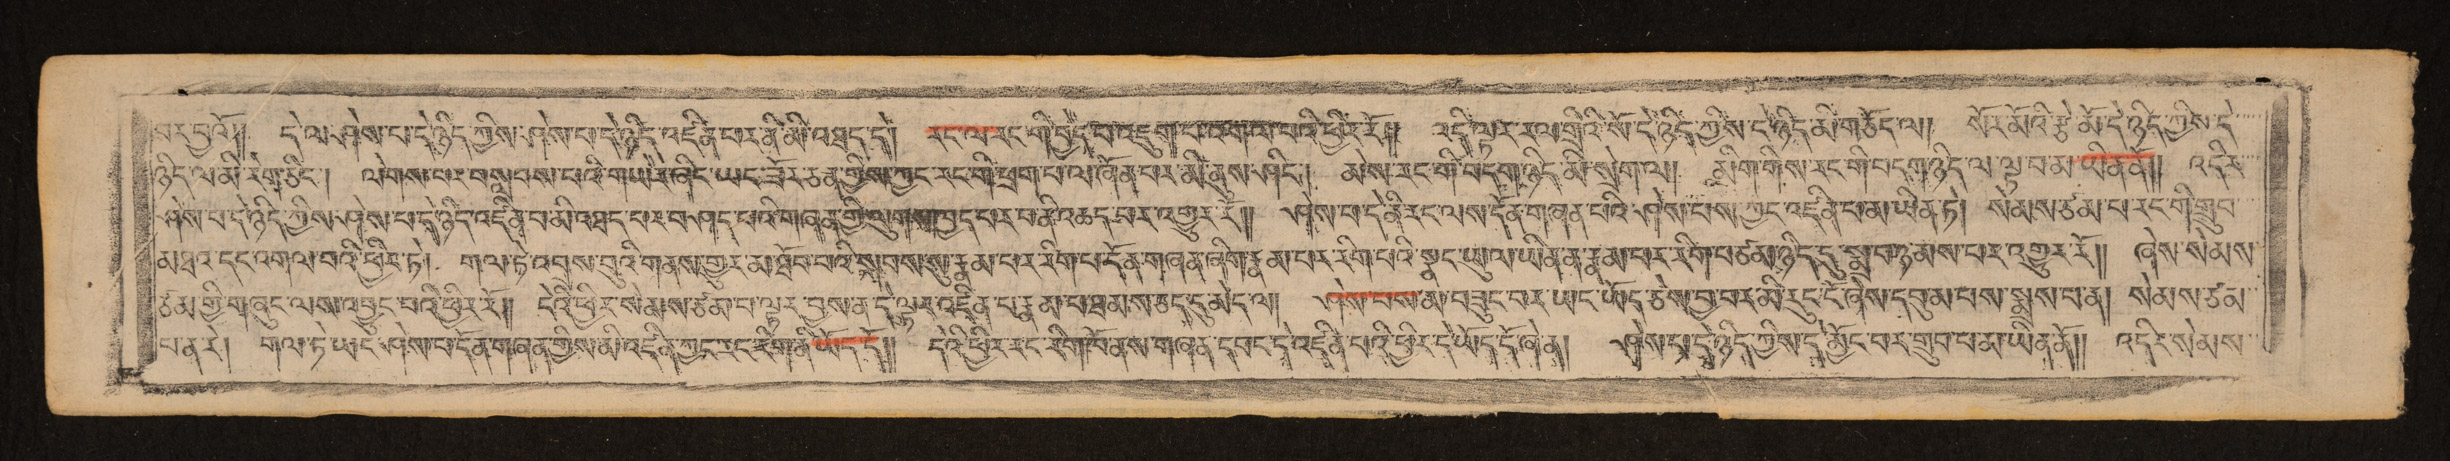བར་བྱའོ།། དེ་ལ་ཤེས་པ་དེ་ཉིད་ཀྱིས་ཤེས་པ་དེ་ཉིད་འཛིན་པར་ནི་མི་འཐད་དེ། རང་ལ་རང་གི་བྱེད་པ་འཇུག་པ་འགལ་བའི་ཕྱིར་རོ།། འདི་ལྟར་རལ་གྲིའི་སོ་དེ་ཉིད་ཀྱིས་དེ་ཉིད་མི་གཅོད་ལ། སོར་མོའི་རྩེ་མོ་དེ་ཉིད་ཀྱིས་དེ་
ཉིད་ལ་མི་རེག་ཅིང་། ལེགས་པར་བསླབས་པའི་གཡེར་ཞིང་ཡང་ཟོར་ཅན་གྱིས་ཀྱང་རང་གི་ཕྲག་པ་ལ་ཞོན་པར་མི་ནུས་ཤིང་། མེས་རང་གི་བདག་ཉིད་མི་སྲེག་ལ། མིག་གིས་རང་གི་བདག་ཉིད་ལ་ལྟ་བ་མ་ཡིན་ནོ།། འདིར་
ཤེས་པ་དེ་ཉིད་ཀྱིས་ཤེས་པ་དེ་ཉིད་འཛིན་པ་མི་འཐད་པར་བཤད་པའི་གཞན་གྱི་ལུགས་ཁྱད་པར་བ་ནི་འཆད་པར་འགྱུར་རོ།། ཤེས་པ་དེ་ནི་རང་ལས་དོན་གཞན་པའི་ཤེས་པས་ཀྱང་འཛིན་པ་མ་ཡིན་ཏེ། སེམས་ཙམ་པ་རང་གི་གྲུབ་
མཐའ་དང་འགལ་བའི་ཕྱིར་ཏེ། གལ་ཏེ་འབྲས་བུའི་གནས་གྱུར་མ་ཐོབ་པའི་སྐབས་སུ་རྣམ་པར་རིག་པ་དོན་གཞན་ཞིག་རྣམ་པར་རིག་པའི་སྣང་ཡུལ་ཡིན་ན་རྣམ་པར་རིག་པ་ཙམ་ཉིད་དུ་སྨྲ་བ་ཉམས་པར་འགྱུར་རོ།། ཞེས་སེམས་
ཙམ་གྱི་གཞུང་ལས་འབྱུང་བའི་ཕྱིར་རོ།། དེའི་ཕྱིར་སེམས་ཙམ་པ་ལྟར་བྱས་ན་དེ་ལྟར་འཛིན་པ་རྣམ་པ་ཐམས་ཅད་དུ་མེད་ལ། ཤེས་པས་མ་བཟུང་བར་ཡང་ཡོད་ཅེས་བྱ་བར་མི་རུང་ངོ་ཞེས་དབུ་མ་པས་སྨྲས་པ་ན། སེམས་ཙམ་
པ་ན་རེ། གལ་ཏེ་ཡང་ཤེས་པ་དོན་གཞན་གྱིས་མི་འཛིན་ཀྱང་རང་རིག་ནི་ཡོད་དོ།། དེའི་ཕྱིར་རང་རིག་ཁོ་ནས་གཞན་དབང་དེ་འཛིན་པའི་ཕྱིར་དེ་ཡོད་དོ་ཞེ་ན། ཤེས་པ་དེ་ཉིད་ཀྱིས་དེ་མྱོང་བར་གྲུབ་པ་མ་ཡིན་ནོ།། འདིར་སེམས་